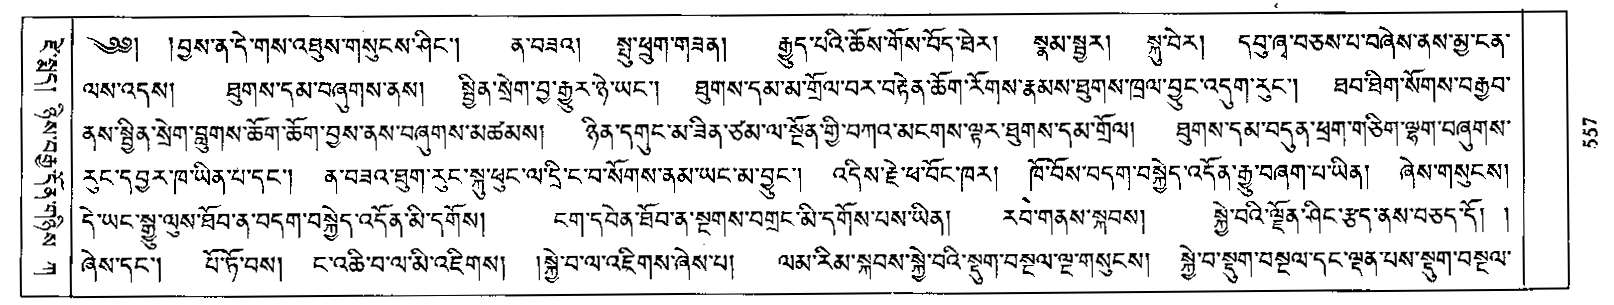༄༅། །བྱས་ན་དེ་གས་འཐུས་གསུངས་ཤིང་། ན་བཟའ། སྤུ་ཕྲུག་གཟན། རྒྱུད་པའི་ཆོས་གོས་བོད་ཐེར། སྣམ་སྦྱར། སྐུ་བེར། དབུ་ཞྭ་བཅས་པ་བཞེས་ནས་མྱ་ངན་
ལས་འདས། ཐུགས་དམ་བཞུགས་ནས། སྦྱིན་སྲེག་བྱ་རྒྱུར་ཉེ་ཡང་། ཐུགས་དམ་མ་གྲོལ་བར་བརྟེན་ཆོག་རོགས་རྣམས་ཐུགས་ཁྲལ་བྱུང་འདུག་རུང་། ཐབ་ཐིག་སོགས་བརྒྱབ་
ནས་སྦྱིན་སྲེག་བླུགས་ཆོག་ཆོག་བྱས་ནས་བཞུགས་མཚམས། ཉིན་དགུང་མ་ཟིན་ཙམ་ལ་སྔོན་གྱི་བཀའ་མངགས་ལྟར་ཐུགས་དམ་གྲོལ། ཐུགས་དམ་བདུན་ཕྲག་གཅིག་ལྷག་བཞུགས་
རུང་དབྱར་ཁ་ཡིན་པ་དང་། ན་བཟའ་ཐུག་རུང་སྐུ་ཕུང་ལ་དྲི་ང་བ་སོགས་ནམ་ཡང་མ་བྱུང་། འདིས་རྗེ་ཕ་བོང་ཁར། ཁོ་བོས་བདག་བསྐྱེད་འདོན་རྒྱུ་བཞག་པ་ཡིན། ཞེས་གསུངས།
དེ་ཡང་སྒྱུ་ལུས་ཐོབ་ན་བདག་བསྐྱེད་འདོན་མི་དགོས། ངག་དབེན་ཐོབ་ན་སྔགས་བགྲང་མི་དགོས་པས་ཡིན། རབ་གནས་སྐབས། སྐྱེ་བའི་ལྗོན་ཤིང་རྩད་ནས་བཅད་དོ། །
ཞེས་དང་། པོ་ཏོ་བས། ང་འཆི་བ་ལ་མི་འཇིགས། །སྐྱེ་བ་ལ་འཇིགས་ཞེས་པ། ལམ་རིམ་སྐབས་སྐྱེ་བའི་སྡུག་བསྔལ་ལྔ་གསུངས། སྐྱེ་བ་སྡུག་བསྔལ་དང་ལྡན་པས་སྡུག་བསྔལ་